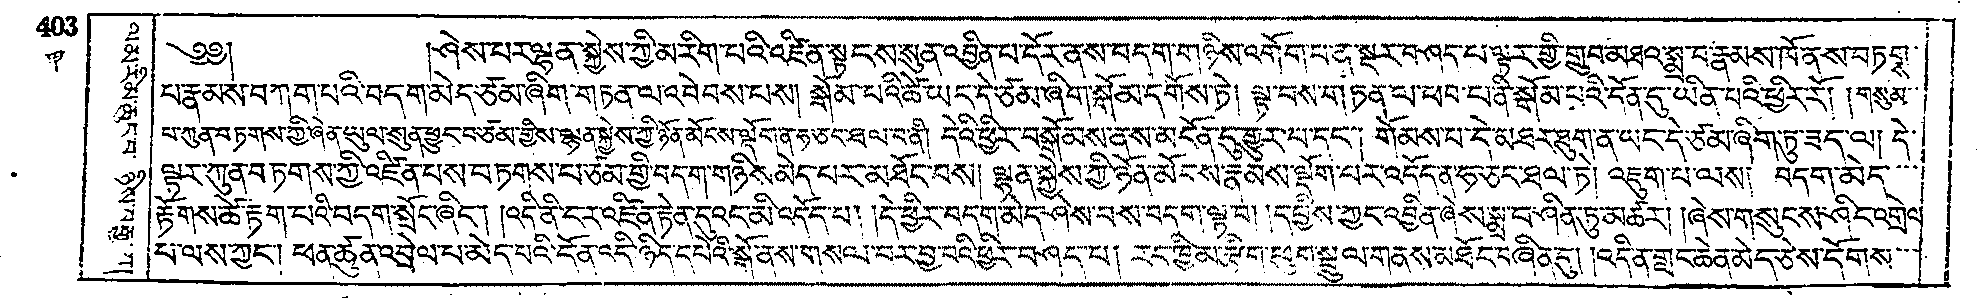༄༅། །ཤེས་པར་ལྷན་སྐྱེས་ཀྱི་མ་རིག་པའི་འཛིན་སྟངས་སུན་འབྱིན་པ་དོར་ནས་བདག་གཉིས་འགོག་པ་ན་སྔར་བཤད་པ་ལྟར་གྱི་གྲུབ་མཐའ་སྨྲ་བ་རྣམས་ཁོ་ནས་བཏགས་
པ་རྣམས་བཀག་པའི་བདག་མེད་ཙམ་ཞིག་གཏན་ལ་འབེབས་པས། སྒོམ་པའི་ཚེ་ཡང་དེ་ཙམ་ཞིག་སྒོམ་དགོས་ཏེ། ལྟ་བས་གཏན་ལ་ཕབ་པ་ནི་སྒོམ་པའི་དོན་དུ་ཡིན་པའི་ཕྱིར་རོ། །གསུམ་
པ་ཀུན་བཏགས་ཀྱི་ཞེན་ཡུལ་སུན་ཕྱུང་བ་ཙམ་གྱིས་ལྷན་སྐྱེས་ཀྱི་ཉོན་མོངས་ལྡོག་ན་ཧ་ཅང་ཐལ་བ་ནི། དེའི་ཕྱིར་བསྒོམས་ནས་མངོན་དུ་གྱུར་པ་དང་། གོམས་པ་དེ་མཐར་ཐུག་ན་ཡང་དེ་ཙམ་ཞིག་ཏུ་ཟད་ལ། དེ་
ལྟར་ཀུན་བཏགས་ཀྱི་འཛིན་པས་བཏགས་པ་ཙམ་གྱི་བདག་གཉིས་མེད་པར་མཐོང་བས། ལྷན་སྐྱེས་ཀྱི་ཉོན་མོངས་རྣམས་ལྡོག་པར་འདོད་ན་ཧ་ཅང་ཐལ་ཏེ། འཇུག་པ་ལས། བདག་མེད་
རྟོགས་ཚེ་རྟག་པའི་བདག་སྤོང་ཞིང་། །འདི་ནི་ངར་འཛིན་རྟེན་དུའང་མི་འདོད་པ། །དེ་ཕྱིར་བདག་མེད་ཤེས་པས་བདག་ལྟ་བ། །དཔྱིས་ཀྱང་འབྱིན་ཞེས་སྨྲ་བ་ཤིན་ཏུ་མཚར། །ཞེས་གསུངས་ཤིང་འགྲེལ་
པ་ལས་ཀྱང་། ཕན་ཚུན་འབྲེལ་པ་མེད་པའི་དོན་འདི་ཉིད་དཔེའི་སྒོ་ནས་གསལ་བར་བྱ་བའི་ཕྱིར་བཤད་པ། རང་ཁྱིམ་རྩིག་ཕུག་སྦྲུལ་གནས་མཐོང་བཞིན་དུ། །འདི་ན་གླང་ཆེན་མེད་ཅེས་དོགས་